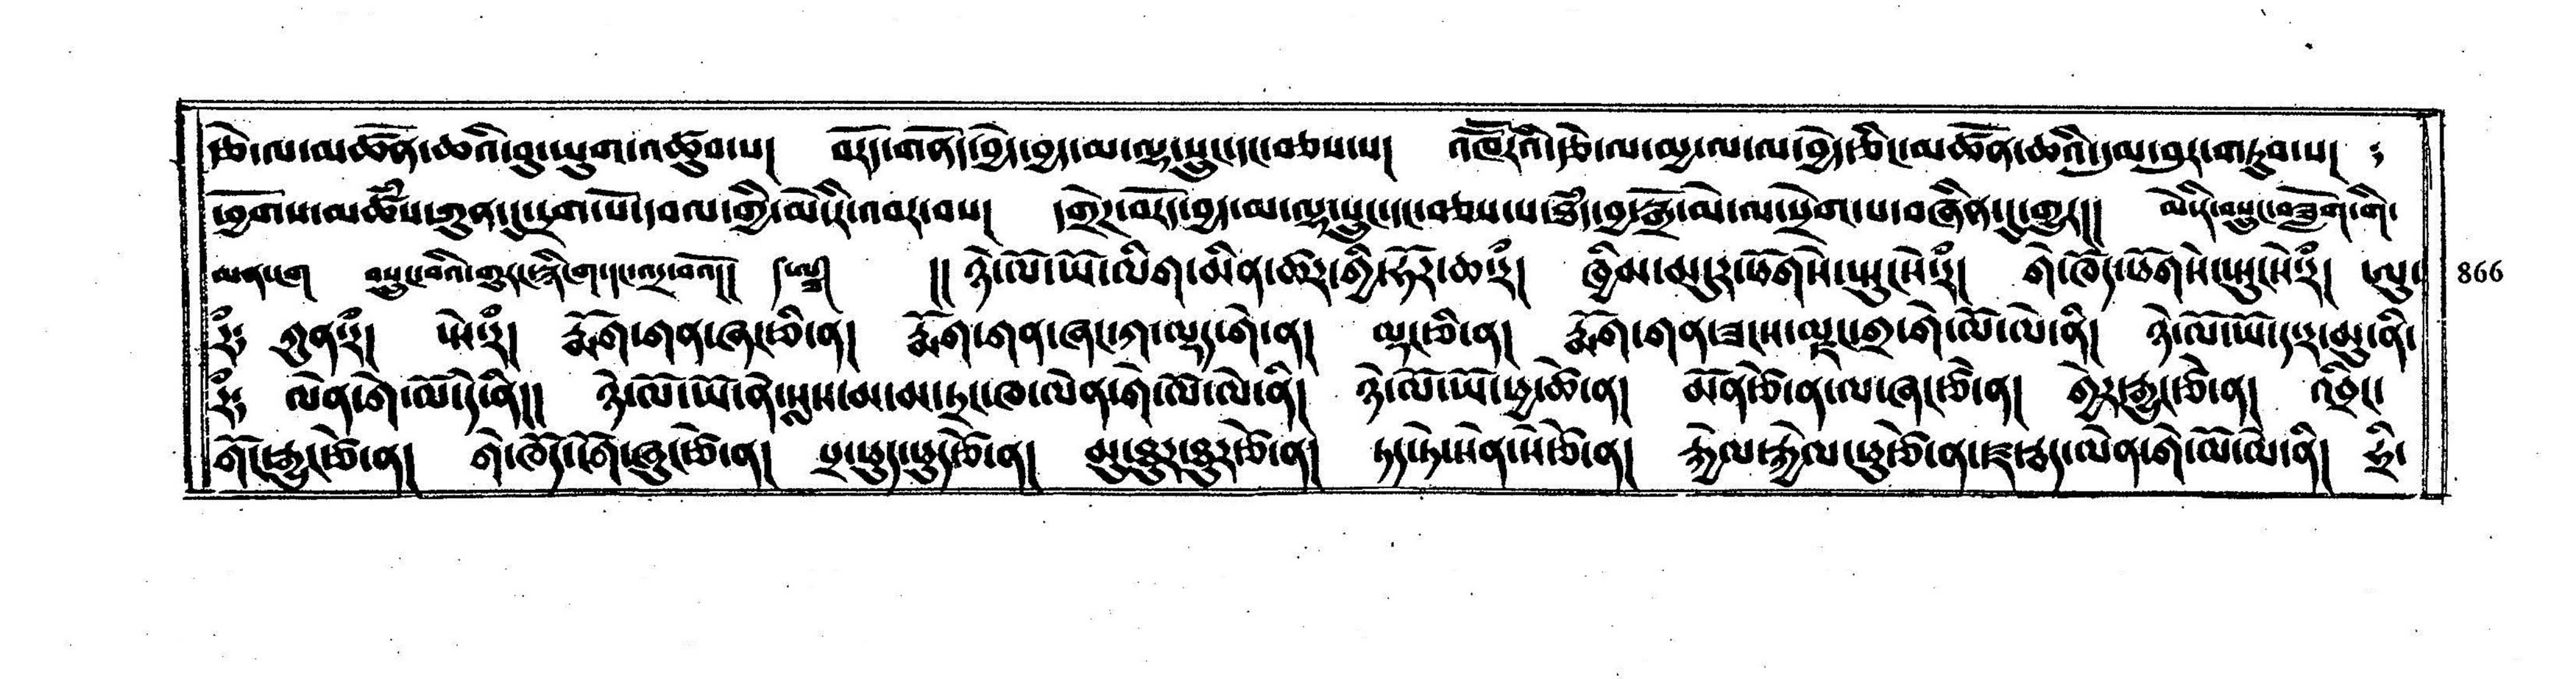རྩེ་ལ་མཚོན་ཆའི་བུ་ཡུག་འཚུབ་པ། བར་ཆོད་གནོད་བྱེད་བྱད་མ་ལྷ་སྲུང་དང་བཅས་པ། འཁོར་ལོའི་རྩེ་ལ་མྱ་ལ་ལ་བྱེད་ཅིང་མཚོན་ཆའི་དུམ་བུར་གཏུབ་པ། 
ཕྱོགས་མཚམས་ཀུན་དུ་དྲག་པོ་དབལ་གྱི་མེ་རི་འབར་བས། དགྲ་བགེགས་བར་ཆོད་བྱད་མ་ལྷ་སྲུང་དང་བཅས་པ་ཐམས་ཅད་བྱ་སྒྲོ་མེ་ལ་སྲེག་པ་བཞིན་དུ་གྱུར།། མེ་རི་བསྲུང་བཟློག་གི་
མན་ངག བསྲུང་བའི་གུར་ཁང་སྙིང་ཁྲག་དང་འདྲ་བའོ།། ཨྠིྀ །།ཉེ་ལོ་ཡོ་ལིག་མིན་ཚར་གྱི་ཧོར་ཆ་རཾ། ཁྱིམ་མདུར་ཕོགསེ་སྤུངསེ་རཾ། གེ་ཁོད་ཕོགསེ་སྤུངསེ་རཾ། ཨུ་
རཾ། ཀུན་རཾ། སྤེ་རཾ། རྨོག་གན་ཞང་ཅི་ན། རྨོག་གན་ཞང་ཀ་ལྡད་གེ་ན། ལྡང་ཅི་ན། རྨོག་གན་ཟངས་ལྗང་གྲ་གེ་ལོ་ལེ་ནི། ཉེ་ལོ་ཡོ་ད་ར་མུ་ནི་
རཾ། ལེན་གེ་ལོ་དེ་ནི།། ཉེ་ལོ་ཡོ་ནེ་སླས་མ་མ་ཏྲང་ཁ་ལེན་གེ་ལོ་ལེ་ནི། ཉེ་ལོ་ཡོ་ཕྱ་ཚེ་ན། མོན་ཙེ་ན་ལ་ཞང་ཙེ་ན། གྱེར་རྒྱུང་ཙེ་ན། འབྲིང་
གོང་རྒྱུང་ཙེ་ན། གེ་ཁོད་ངོག་ཞུང་ཙེ་ན། པྲ་ཕུད་ཕུད་ཙེ་ན། མུ་ཐུར་ཐུར་ཙེ་ན། ཏད་ཏེ་སེན་སེ་ཙེ་ན། རྐྱེལ་རྐྱེལ་ཕུ་ཙེ་ན་ཛ་རྦད་ལེན་གེ་ལོ་ལེ་ནི། ཧྲི་